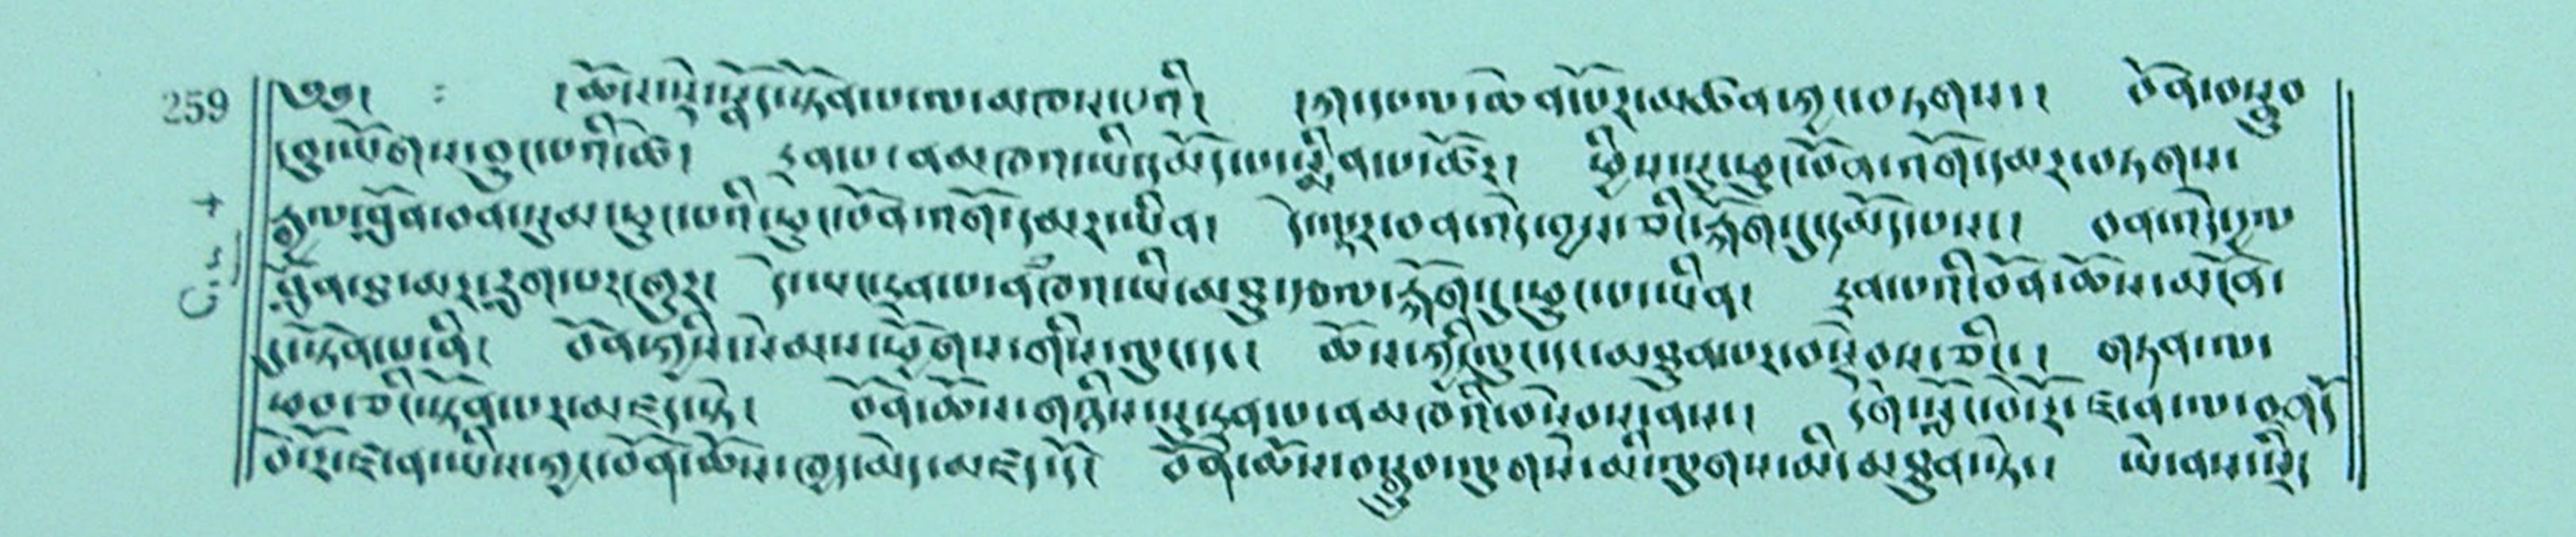༄༅། །ཆོས་སྡེ་སྣོད་སྟོན་པ་ལ་མཁས་པའི། ཀ་དཔལ་ཆེན་པོར་མཚན་ཀྱང་བཏགས། བོན་བསྣུབས་
དབུ་ཡོག་བྱུང་བའི་ཚེ། དྲན་པ་ནམ་མཁའ་ཡི་དམོད་པ་སྨིན་པ་ཚོར་ནས། ཕྱིས་སུ་ཕུང་བོན་མགོ་དམར་དུ་བཏགས། 
རྒྱལ་བློན་བན་གསུམ་ཕུང་པར་བྱས་པས་ཕུང་བོན་མགོ་དམར་ཡིན། དེ་ལྟར་བན་དྷེ་བྱས་ཅིང་ལྐོག་ཏུ་དམོད་པས། བན་དྷེ་རྒྱལ་
བློན་ཐ་མར་རླག་པར་འགྱུར། དེ་ཡང་དྲན་པ་ནམ་མཁའ་ཡི་མཐུ་རྩལ་ལྐོག་ཏུ་ཕྱུང་བའོ། །དྲན་པའི་བོན་ཆོས་མངོན་
དུ་སྟོན་པ་ནི། བོན་གྱི་སེམས་ཕྱོགས་ཀྱིས་ལུང་དང་། ཆོས་ཀྱི་ལུང་དང་མཐུན་པར་བསྡེབས་ཅིང་། གཏན་ལ་
ཕབ་ཅིང་སྟོན་པར་མཛད་དེ། བོན་ཆོས་གཉིས་སུ་དྲན་པ་ནམ་མཁའི་བསྡེབས་ནས། དགེ་སློང་བེ་རོ་ཙ་ན་ལ་བཤད་དོ། 
བེ་རོ་ཛ་ན་ཡིས་ཀྱང་བོན་ཆོས་ཁྱད་མེད་དུ་མཛད་དོ། །བོན་ཆོས་བསྒྲུབ་ལུགས་མི་མཐུན་ཏེ། ཡེ་ནས་སྲིད་